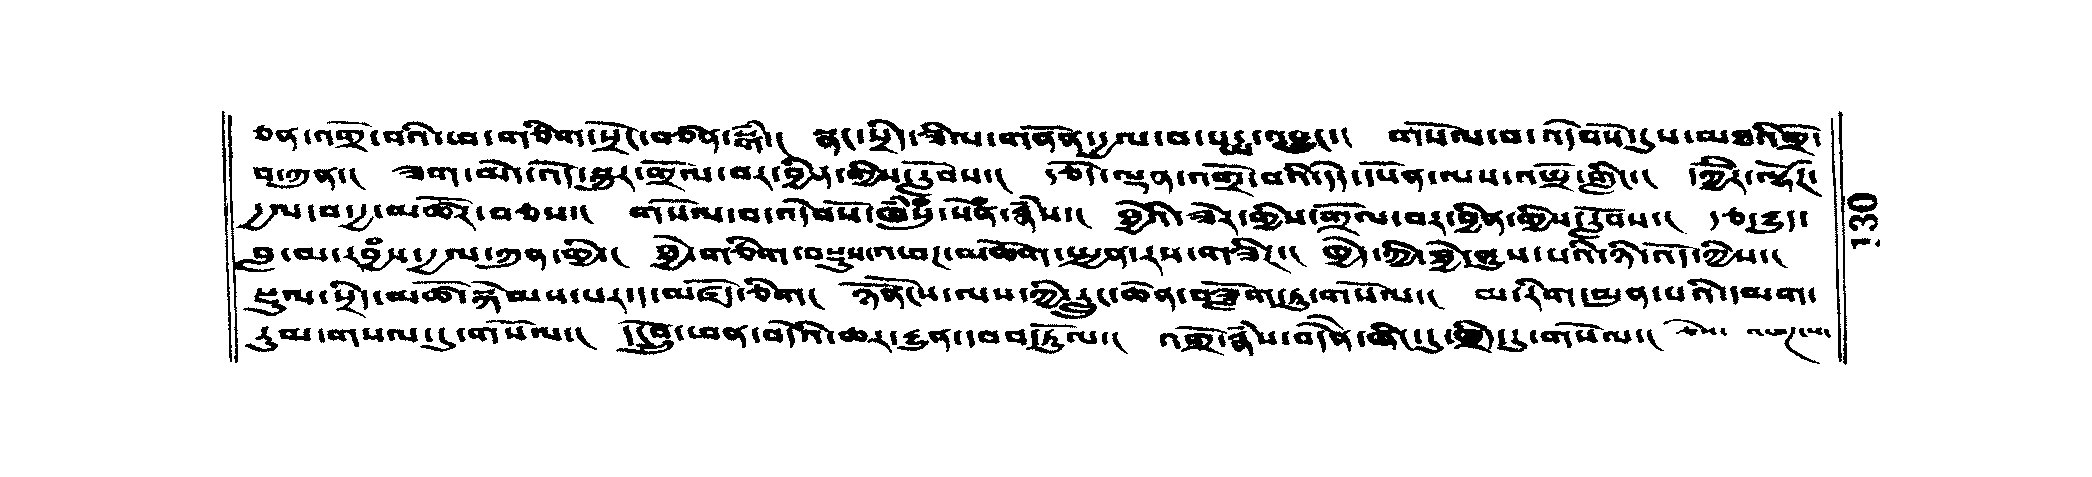ཅན་འགྲོ་བའི་ཕ་གཅིག་སྲོང་བཙན་སྒམ། །སྣང་སྲིད་ཟིལ་གནོན་རྒྱལ་བ་པདྨ་འབྱུང་། གསོལ་བ་འདེབས་སོ་དུས་མཐའི་འགྲོ་
བ་ཀུན། །ཟག་མེད་འོད་སྐུར་གྲོལ་བར་བྱིན་གྱིས་རློབས། །རྩོད་ལྡན་འགྲོ་བའི་དེད་དཔོན་ལས་འཕྲོ་གླིང་། །དཀྱིལ་འཁོར་ལྷ་ཚོགས་
རྒྱལ་བ་རྒྱ་མཚོར་བཅས། །གསོལ་བ་འདེབས་སོ་ཁམས་གསུམ་སེམས་ཅན་རྣམས། །ཐུགས་རྗེའི་ཟེར་གྱིས་གྲོལ་བར་བྱིན་གྱིས་རློབས། །རྩ་རྒྱུད་
བླ་མ་རབ་འབྱམས་རྒྱལ་ཀུན་གྱི། །ཐུགས་རྗེ་གཅིག་བསྡུས་འཕགས་མཆོག་སྤྱན་རས་གཟིགས། །ཁྱེད་ཀྱི་ཐུགས་རྗེ་ནུས་པའི་ཉི་འོད་ཀྱིས། །
སྡུག་བསྔལ་སྲིད་མཚོ་སྐེམས་པར་ད་མཛོད་ཅིག །ཉོན་མོངས་ལས་ཀྱི་རླུང་ཆེན་བཟློག་ཏུ་གསོལ། །མ་རིག་མུན་པའི་སྨག་
རུམ་བསལ་དུ་གསོལ། །དངོས་གྲུབ་ཕན་བདེའི་ཆར་རྒྱུན་དབབ་ཏུ་གསོལ། འགྲོ་རྣམས་བདེ་ཆེན་ཞིང་དུ་ཁྲིད་དུ་གསོལ། ཅེས་འཕགས་པ་